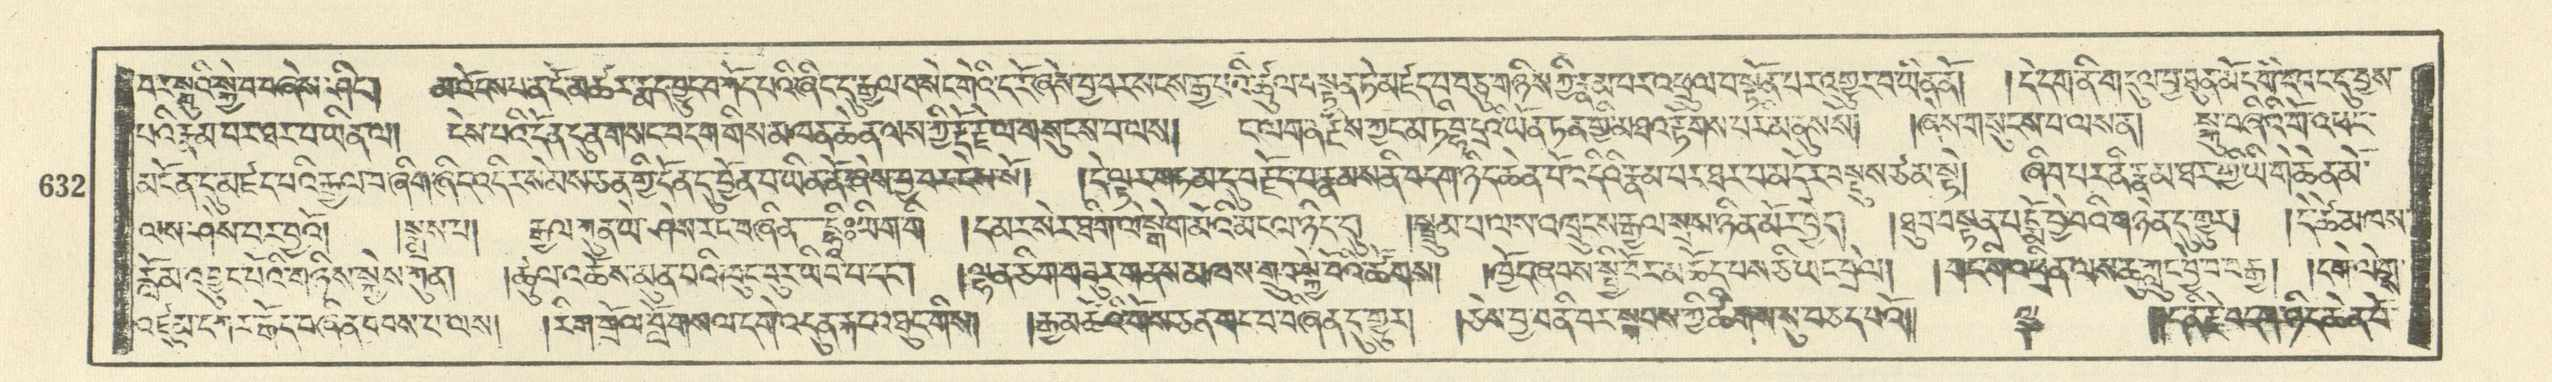བར་སྐུའི་སྐྱེ་བ་བཞེས་ཤིང་། མ་འོངས་པ་ན་ངོ་མཚར་རྨད་བྱུང་བཀོད་པའི་ཞིང་དུ་རྒྱལ་བ་སེང་གེའི་ང་རོ་ཞེས་བྱ་བར་སངས་རྒྱ་པའི་ཚུལ་བསྟན་ཏེ་མཛད་བ་བཅུ་གཉིས་ཀྱི་རྣམ་པར་འཕྲུལ་བསྟོན་པར་འགྱུར་བ་ཡིན་ནོ། །དེ་དག་ནི་གདུལ་བྱ་ཐུན་མོང་གི་དབང་དུ་བྱས་
པའི་རྣམ་པར་ཐར་པ་ཡིན་ལ། ངེས་པའི་དོན་དུ་ན་གསང་བདག་གིས་མཁན་ཆེན་ལས་ཀྱི་རྡོ་རྗེ་ལ་གསུངས་པ་ལས། ང་ལག་ན་རྗེས་ཀྱང་མ་ཏབྷི་དྲའི་ཡོན་ཏན་གྱི་མཐའ་རྟོགས་པར་མི་ནུས་སོ། །ཞེས་གསུངས་པ་ལས་ན། སྐུ་བཞིའི་གོ་འཕང་
མངོན་དུ་མཛད་པའི་རྒྱལ་བ་ཞིག་ཞིང་འདིར་སེམས་ཅན་གྱི་དོན་དུ་བྱོན་པ་ཡིན་ནོ་ཞེས་བྱ་བར་ངེས་སོ། །དེ་ལྟར་གཏམ་དུ་བརྗོད་པ་རྣམས་ནི་བདག་ཉིད་ཆེན་པོ་འདིའི་རྣམ་པར་ཐར་པ་མདོར་བསྡུས་ཙམ་སྟེ། ཞིབ་པར་ནི་རྣམ་ཐར་གྱི་ཡི་གེ་ཆེན་མོ་
ལས་ཤེས་པར་བྱའོ། །སྨྲས་པ། རྒྱལ་ཀུན་ཡེ་ཤེས་རང་བཞིན་དྷཱིཿ ཡིག་གི །དམར་སེར་ཐིག་ལེ་སྒེག་མོའི་མངལ་ཉིད་དུ། །སྦྲུམ་པ་ལས་འཁྲུངས་རྒྱལ་སྲས་ཉིན་མོར་བྱེད། །ཐུབ་བསྟན་པདམོ་བྱེ་བའི་གཉེན་དུ་གྱུར། །དེ་ཚེ་མཁས་
རློམ་འབྱུང་པོའི་གཉིས་སྐྱེས་ཀུན། །ཚུལ་འཆོས་མུན་པའི་ཁུང་བུར་ཡིབ་པ་དང་། །ལྷན་ཅིག་གཟུར་གནས་མཁས་གྲུབ་སྐྱེ་བོའི་ཚོགས། །ཁྱོད་ཞབས་སྤྱི་བོར་མཆོད་པས་ཅི་ཡང་བྲེལ། །གང་གི་འཕྲིན་ལས་ཆུ་ཀླུང་བྱེ་བ་བརྒྱ། །དགེ་ལེགས་
འཛུམ་དཀར་རྒོད་བཞིན་བབས་པ་ལས། །རིག་གྲོལ་བློ་གསལ་དགེ་འདུན་རྐང་འཐུང་གིས། །རྒྱ་མཚོའི་གོས་ཅན་གང་བ་བཞིན་དུ་གྱུར། །ཅེས་བྱ་བ་ནི་བར་སྐབས་ཀྱི་ཚིགས་སུ་བཅད་པའོ།། ༈ །།ད་ནི་རྗེ་བདག་ཉིད་ཆེན་པོ་